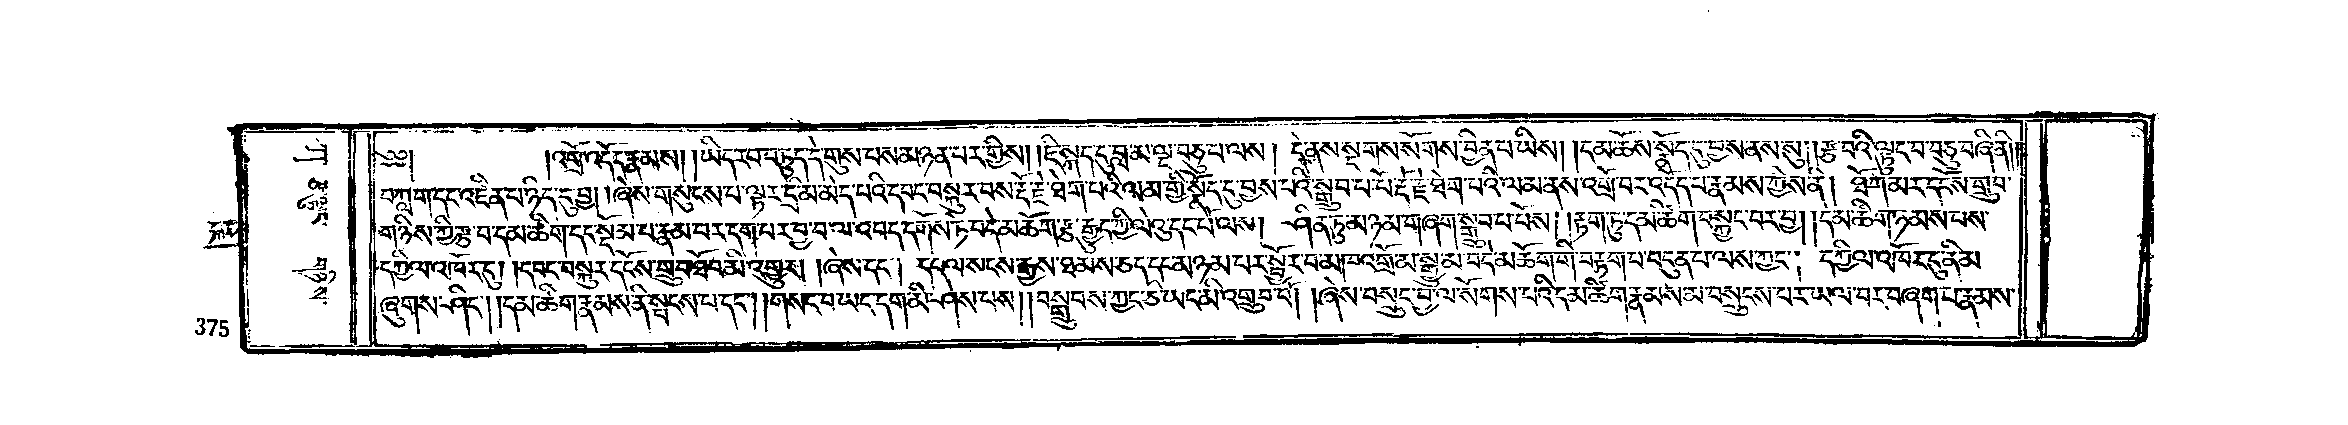༄༅། །འགྲོ་འདོད་རྣམས། །ཡིད་རབ་བ་ཏུད་དེ་གུས་པས་མཉན་པར་གྱིས། །ཇི་སྐད་དུ་བླ་མ་ལྔ་བཅུ་པ་ལས། དེ་ནས་སྔགས་སོགས་བྱིན་པ་ཡིས། །དམ་ཆོས་སྣོད་དུ་བྱས་ནས་སུ། །རྩ་བའི་ལྟུང་བ་བཅུ་བཞི་ནི།།
བཀླག་དང་འཛིན་པ་ཉིད་དུ་བྱ། །ཞེས་གསུངས་པ་ལྟར་དྲི་མ་མེད་པའི་དབང་བསྐུར་བས་རྡོ་རྗེ་ཐེག་པའི་ལམ་གྱི་སྣོད་དུ་བྱས་པའི་སྒྲུབ་པ་པོ་རྡོ་རྗེ་ཐེག་པའི་ལམ་ནས་འགྲོ་བར་འདོད་པ་རྣམས་ཀྱིས་ནི། ཐོག་མར་དངོས་གྲུབ་
གཉིས་ཀྱི་རྩ་བ་དམ་ཚིག་དང་སྡོམ་པ་རྣམ་པར་དག་པར་བྱ་བ་ལ་འབད་དགོས་ཏེ་བདེ་མཆོག་རྩ་རྒྱུད་ཀྱི་ལེའུ་དང་པོ་ལས། ཤིན་ཏུ་མཉམ་གཞག་སྒྲུབ་པ་པོས། །རྟག་ཏུ་དམ་ཚིག་བསྐྱང་བར་བྱ། །དམ་ཚིག་ཉམས་པས་
དཀྱིལ་འཁོར་དུ། །དབང་བསྐུར་དངོས་གྲུབ་ཐོབ་མི་འགྱུར། །ཞེས་དང་། དཔལ་སངས་རྒྱས་ཐམས་ཅད་དང་མཉམ་པར་སྦྱོར་བ་མཁའ་འགྲོ་མ་སྒྱུ་མ་བདེ་མཆོག་གི་བརྟག་པ་བདུན་པ་ལས་ཀྱང་། དཀྱིལ་འཁོར་དུ་ནི་མ་
ཞུགས་ཤིང་། །དམ་ཚིག་རྣམས་ནི་སྤངས་པ་དང་། །གསང་བ་ཡང་དག་མི་ཤེས་པས། །བསྒྲུབས་ཀྱང་ཅི་ཡང་མི་འགྲུབ་བོ། །ཞེས་བསྲུང་བྱ་ལ་སོགས་པའི་དམ་ཚིག་རྣམས་མ་བསྲུངས་པར་ཡལ་བར་བཞག་པ་རྣམས་